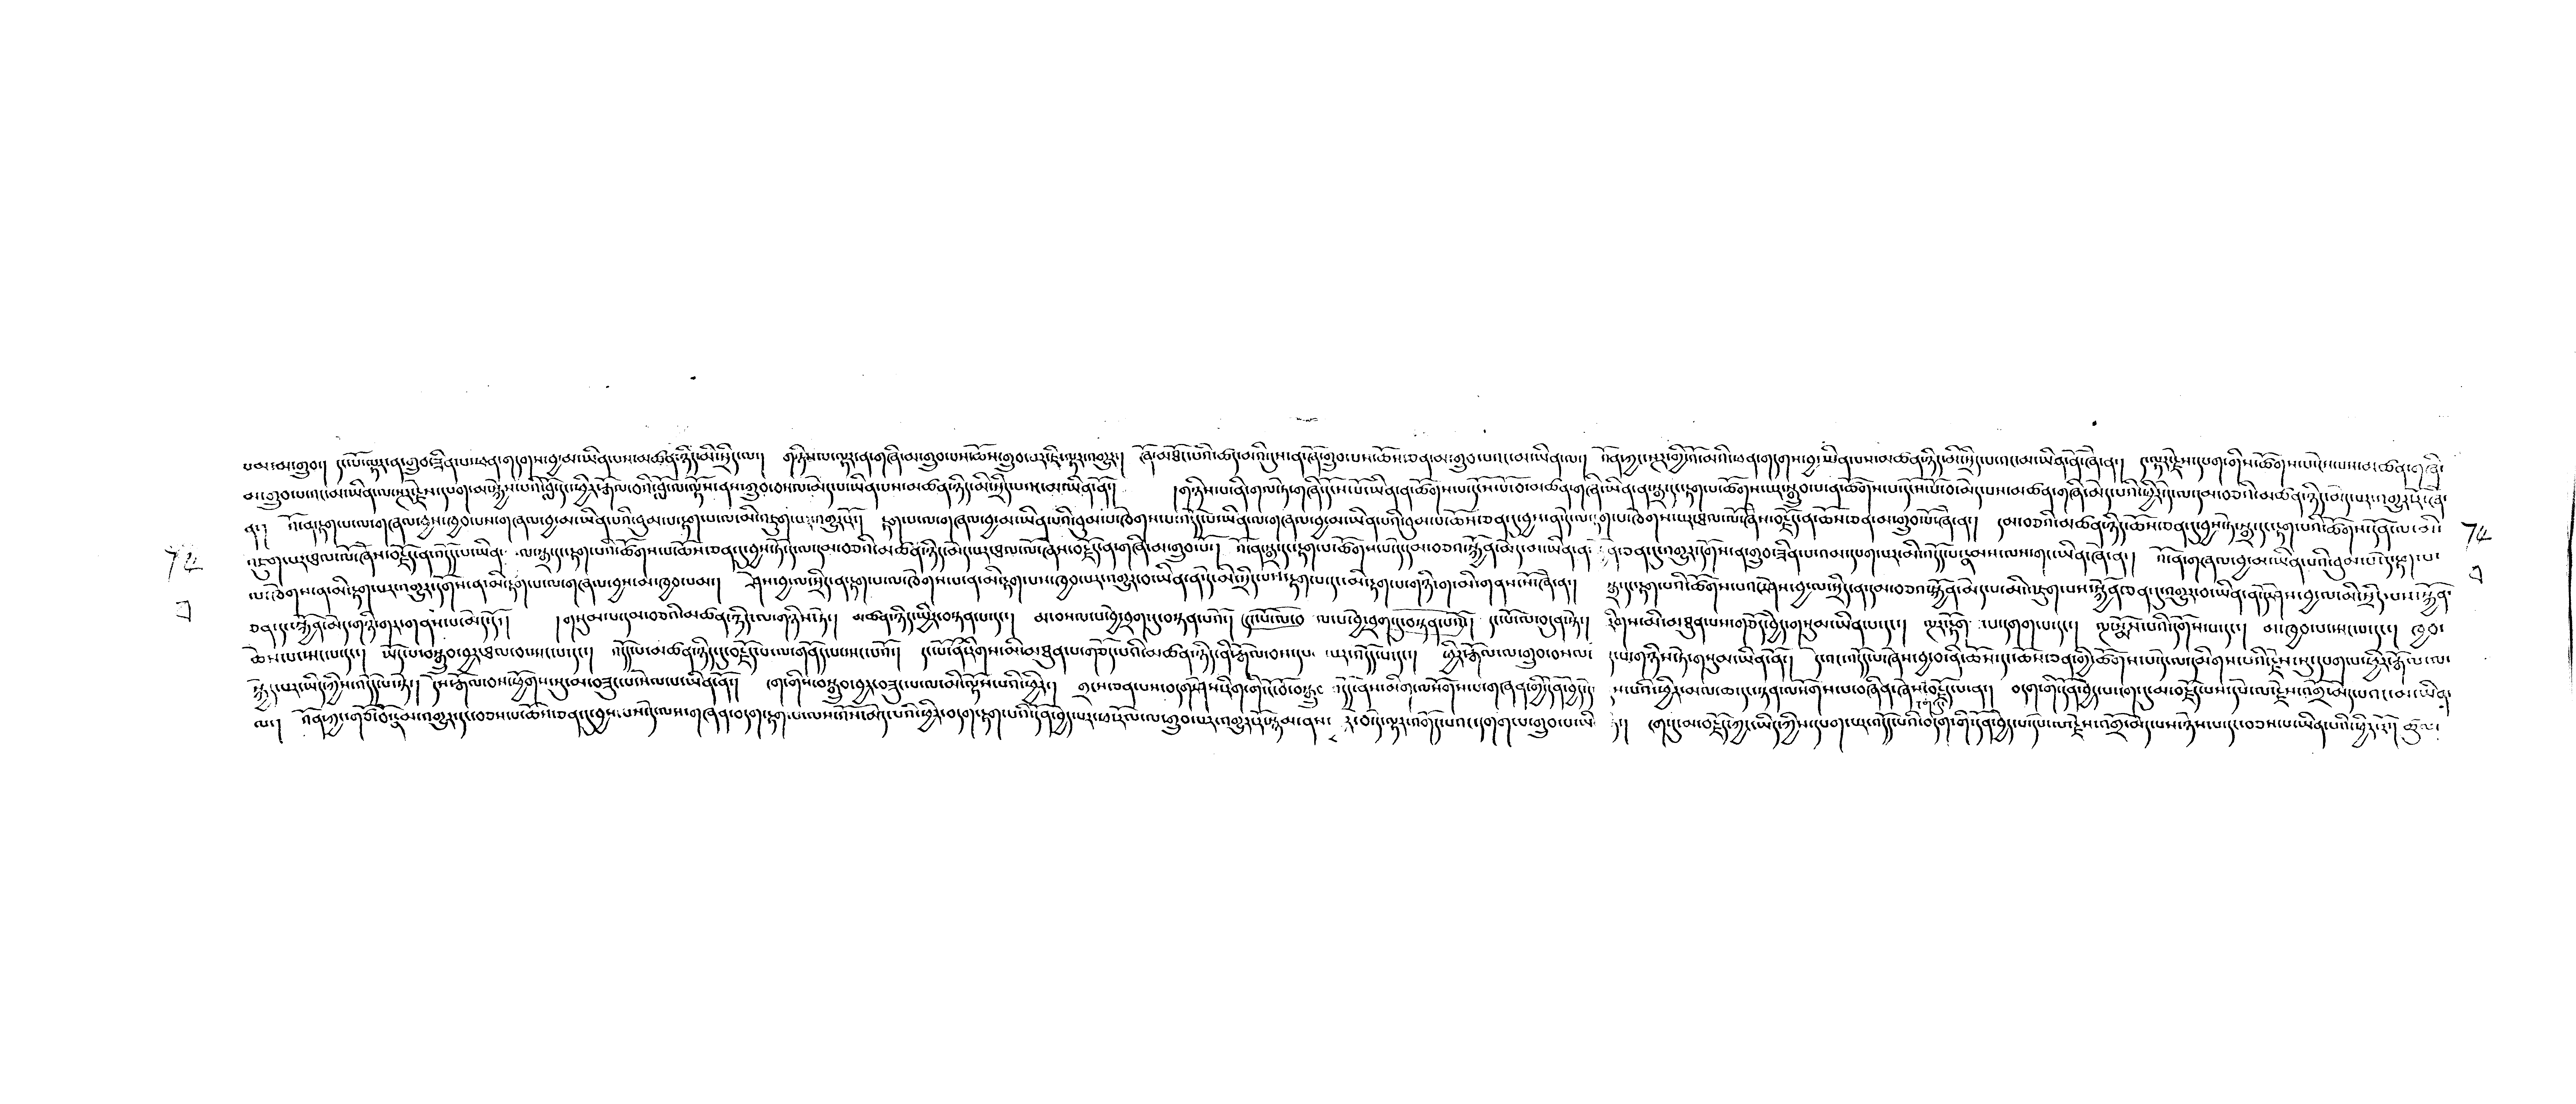པམ་མ་གྲུབ། དང་པོ་ལྟར་ན་གྲུབ་ཟིན་པ་ཕན་གདགས་བྱ་མ་ཡིན་པས་མཚན་ཉིད་མི་སྲིད་ལ། གཉིས་པ་ལྟར་ན་གཞི་མ་གྲུབ་པས་ཆོས་གྲུབ་པར་ཇི་ལྟར་འགྱུར། ཞོ་མཐོང་པའི་ཚད་མའི་དུས་ན་ཞོ་གྲུབ་པས་ཆོས་ཅན་མ་གྲུབ་པའང་མ་ཡིན་ལ། འོན་ཀྱང་སྔར་གྱི་འོ་མའི་ཕན་གདགས་བྱ་ཡིན་པས་མཚན་ཉིད་མི་སྲིད་པ་འང་མ་ཡིན་ནོ་ཞེ་ན། ད་ལྟར་རྗེས་དཔག་གིས་ཚོགས་པ་ངེས་པས་མཚན་གཞི་
མ་གྲུབ་པ་འང་མ་ཡིན་ལ་སྔར་རྗེས་དཔག་མ་སྐྱེས་པའི་བློ་དང་ཕྱིར་རྒོལ་བའི་བློ་ལ་ལྟོས་ནས་གྲུབ་བསལ་མེད་པ་ཡིན་པས་མཚན་ཉིད་མི་སྲིད་པའང་མ་ཡིན་ནོ། །གཉིས་པ་ནི་གལ་ཏེ་གཞི་དངོས་པོ་ཡིན་ན་ཚོགས་པ་དངོས་པོ་བ་མཚན་གཞི་ཡིན་ན་སྒྲ་དང་རྟག་པ་ཚོགས་པར་སྒྲུབ་པ་ན་ཚོགས་པ་དངོས་པོ་བ་མེད་པས་མཚན་གཞི་མེད་པའི་ཕྱིར་དེ་ལ་དམ་བཅའི་མཚན་ཉིད་མེད་པར་འགྱུར་རོ་ཞེ་
ན། འོ་ན་རྟག་པ་ལ་གཞལ་བྱས་ཁྱབ་པས་གཞལ་བྱ་མ་ཡིན་པའི་བུམ་པ་རྟག་པ་ལ་མི་འཇུག་པར་འགྱུར་རོ། རྟག་པ་ལ་གཞལ་བྱ་མ་ཡིན་པའི་བུམ་པ་ཁེགས་པ་འདོད་པ་ཡིན་ལ་གཞལ་བྱ་མ་ཡིན་པའི་བུམ་པ་ཆོས་ཅན་དུ་བྱས་ན་དེ་ལ་རྟག་པ་ཁེགས་པར་ཐལ་ལོ་ཞེས་བརྗོད་ན་ཆོས་ཅན་མ་གྲུབ་པོ་ཞེ་ན། དམ་བཅའི་མཚན་ཉིད་ཆོས་ཅན་དུ་བྱས་ཏེ་སྒྲ་དང་རྟག་པའི་ཚོགས་དོན་ལ་མི་
འཇུག་པར་ཐལ་ལོ་ཞེས་བརྗོད་ན་འདོད་པ་ཡིན་ལ་སྒྲ་དང་རྟག་པའི་ཚོགས་པ་ཆོས་ཅན་དུ་བྱས་ཏེ་དེ་ལ་དམ་བཅའི་མཚན་ཉིད་མེད་པར་ཐལ་ལོ་ཞེས་བརྗོད་ན་གཞི་མ་གྲུབ་པོ། འོ་ན་སྒྲ་དང་རྟག་པ་ཚོགས་པ་དེ་དམ་བཅའ་སྐྱོན་མེད་མ་ཡིན་ན་སྐྱོན་ཅན་དུ་འགྱུར་དགོས་ན་གྲུབ་ཟིན་པ་འམ་དཔག་པར་མི་འདོད་པ་རྣམས་ལས་གང་ཡིན་ཞེ་ན། འོ་ན་གཞལ་བྱ་མ་ཡིན་པའི་བུམ་པ་དེ་རྟག་པ་
ལ་ཁེགས་ན་མི་རྟག་པར་འགྱུར་དགོས་ན་མི་རྟག་པ་ལ་གཞལ་བྱས་མ་ཁྱབ་པམ། ཤེས་བྱ་ལ་སྲིད་ན་རྟག་པ་ལ་ཁེགས་པ་ན་མི་རྟག་པས་ཁྱབ་པར་འགྱུར་བ་ཡིན་ན་དེ་མི་སྲིད་པས་རྟག་པ་དང་མི་རྟག་པ་གཉི་ག་མི་གནས་སོ་ཞེ་ན། སྒྲ་དང་རྟག་པའི་ཚོགས་པའང་ཤེས་བྱ་ལ་སྲིད་ན་དམ་བཅའ་སྐྱོན་མེད་པ་མི་འཇུག་པས་སྐྱོན་ཅན་དུ་འགྱུར་བ་ཡིན་ན་དེ་ཤེས་བྱ་ལ་མི་སྲིད་པས་སྐྱོན་
ཅན་དང་སྐྱོན་མེད་གཉི་གར་གནས་པ་མེད་དོ། །གསུམ་པ་དམ་བཅའི་མཚན་ཉིད་ལ་གཉིས་ཏེ། མཚན་ཉིད་སྤྱིར་བསྟན་པ་དང་། མ་བསལ་པ་བྱེ་བྲག་དུ་བསྟན་པའོ། དང་པོ་ལ་བསལ་པ་བྱེ་བྲག་དུ་བསྟན་པའོ། དང་པོ་ལ་བདུན་སྟེ། རིགས་མི་མཐུན་པས་གཅོད་བྱེད་གསུམ་ཡིན་པ་དང་། ལྔར་རྟོག་པ་དགག་པ་དང་། ལྔ་སྨོས་པའི་དགོས་པ་དང་། མ་ཁྱབ་པ་སྤང་པ་དང་། ཁྱབ་
ཆེས་པ་སྤང་པ་དང་། ཡོད་པ་བསྒྲུབ་བྱར་ཐལ་བ་སྤང་པ་དང་། འདོད་པ་མཚན་ཉིད་དུ་བརྗོད་པ་ལ་གནོད་པ་སྤང་པའོ། དང་པོ་ནི་རིགས་མི་མཐུན་པ་གཅོད་པའི་མཚན་ཉིད་ནི་རྒོལ་བས་དཔལ?་པར་འདོད་པ་དང་། ཕྱིར་རྒོལ་ལ་གྲུབ་བསལ། ?་པ་གཉིས་ཏེ་གསུམ་ཡིན་ནོ། དེ་འང་འདོད་པ་ཞེས་བྱ་བ་ནི་ཆོས་དང་ཆོས་ཅན་གྱི་ཚོགས་པ་དེ་ལ་དམིགས་པའི་རྗེས་སུ་དཔག་པ་ཕྱིར་རྒོལ་ལ་
སྐྱེད་པར་ཡིད་ཀྱིས་འདོད་པ་སྟེ། དེས་རྒོལ་བས་ཕྱོགས་སུ་མ་བཟུང་པ་སེལ་པ་ཡིན་ནོ། ངག་གིས་བསྒྲུབ་བྱར་བཟུང་པ་ལ་མི་ལྟོས་པའི་ཕྱིར། གྲངས་ཅན་པས་བདག་ཤེས་རིག་གི་ངོ་བོ་བསྒྲུབ་འདོད་ནས་མིག་ལ་སོགས་པ་གཞན་གྱི་དོན་བྱེད་དེ་?་པའི་ཕྱིར་མལ་ཆ་དང་སྟན་ལ་སོགས་པ་བཞིན་ཞེས་ངག་དུ་བརྗོད་པ་ན། བདག་གི་དོན་བྱེད་པ་ངག་དུ་མ་བརྗོད་པས་དཔེ་ལ་རྗེས་འགྲོ་མེད་པའང་མ་ཡིན་
ལ། འོན་ཀྱང་གཙོ་བོ་རྣམ་འགྱུར་དང་བཅས་པ་ཆོས་ཅན་དུ་བྱས་པས་དེ་ལས་གཞན་བདག་རྟག་པ་ལས་འོས་མེད་པའི་ཕྱིར་བདག་རྟག་པའི་དོན་བྱེད་པར་ཕ་རོལ་ལ་གྲུབ་པར་འགྱུར་རོ་སྙམ་ནས་?་བ་དེ་ལྟར་འགོད་པའང་དགག་པ་གྲུབ་པ་ཡིན་ཏེ། ངག་དུ་མ་བརྗོད་ཀྱང་ཡིད་ཀྱིས་དཔག་པར་འདོད་པའི་བདག་གི་དོན་བྱེད་པ་དཔེ་ལ་རྗེས་འགྲོ་མེད་པས་ཉེས་པ་དང་བཅས་པ་ཡིན་པའི་ཕྱིར་རོ། ཚུལ་